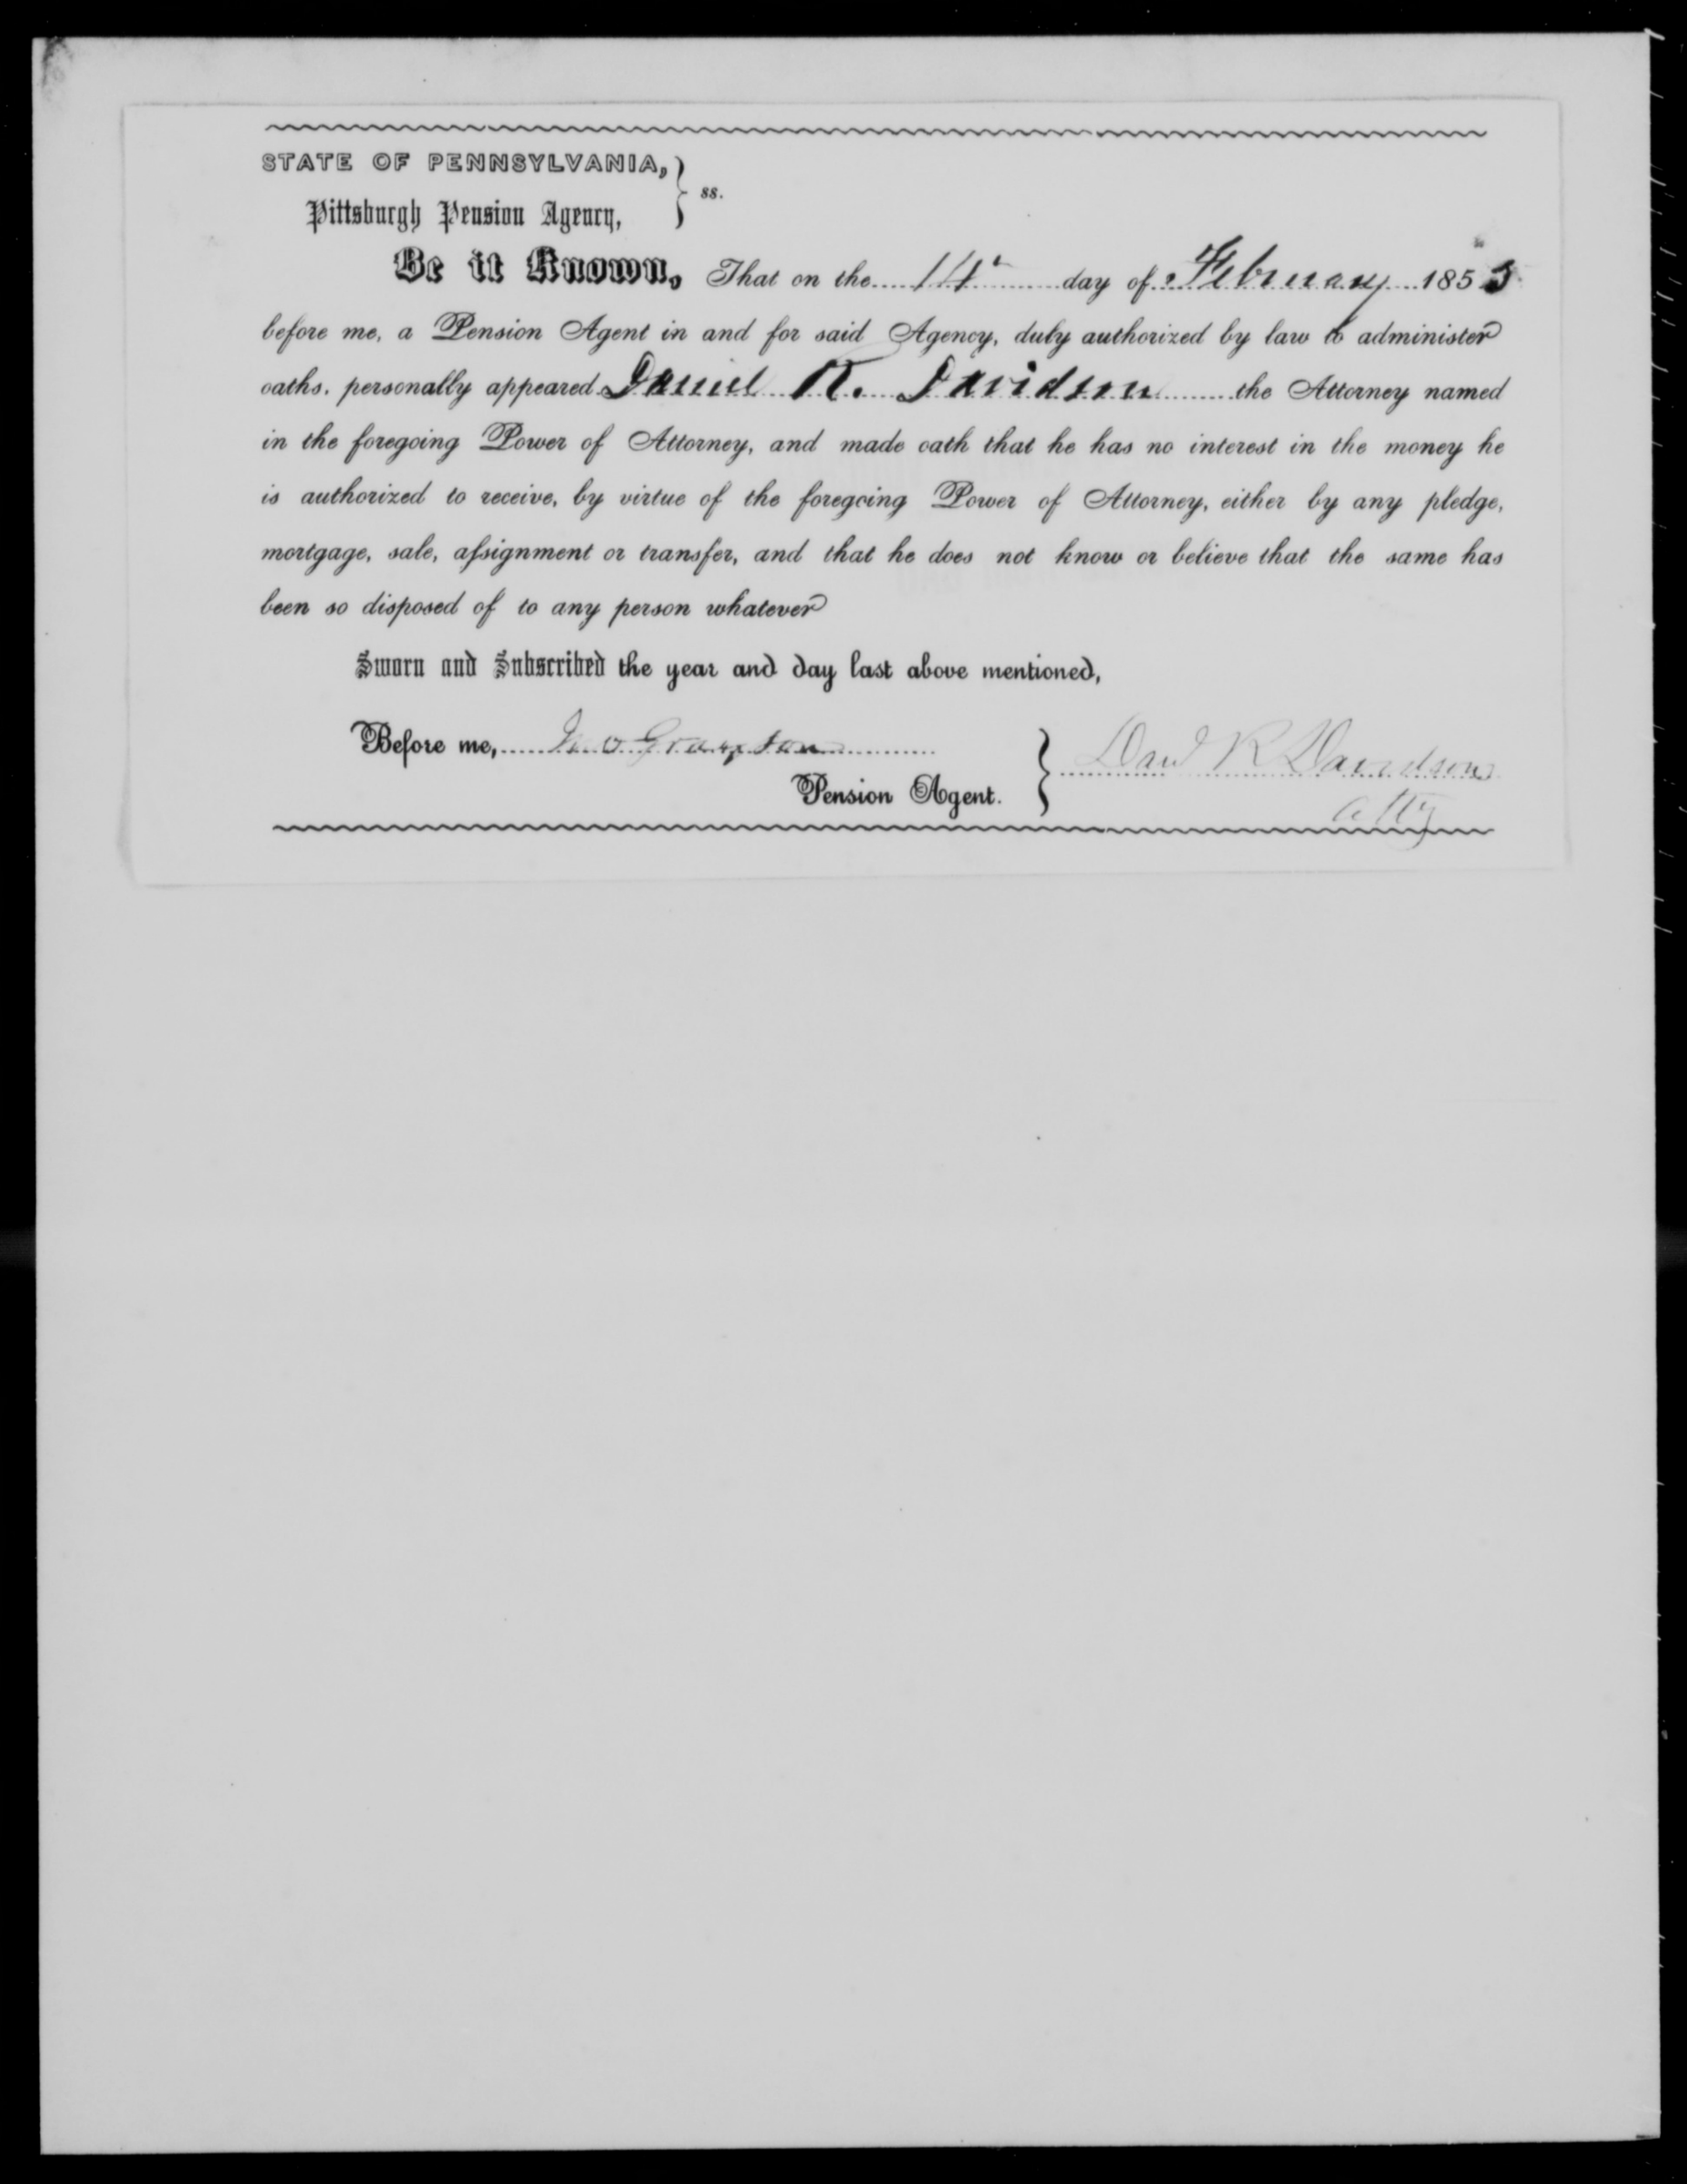State of Pennsylvania
Pittsburg Pension Agency
[Either SS or 88 to the right of the two lines above]
Be it known that on the 14th day of February 185[either 2 or 5] before me, a Pension Agent in and for said Agency, duly authorized by law to administer oaths, personally appeared Daniel R. Davidson the Attorney named in the foregoing Power of Attorney, and made oath that he has no interest in the money he is authorized to receive, by virtue of the foregoing Power of Attorney, either by any pledge, mortgage, sale, assignment or transfer, and that he does not know or believe that the same has been so disposed of to any person whatever.
Sworn and Subscribed the year and day last above mentioned,
Before me Jno Grayson
Pension Agent
Danl R Davidson Atty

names: Jno Grayson; Danl R Davidson; Daniel R Davidson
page: 26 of 73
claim: widow's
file: W. 3197, for Peter Stillwagon, New Jersey